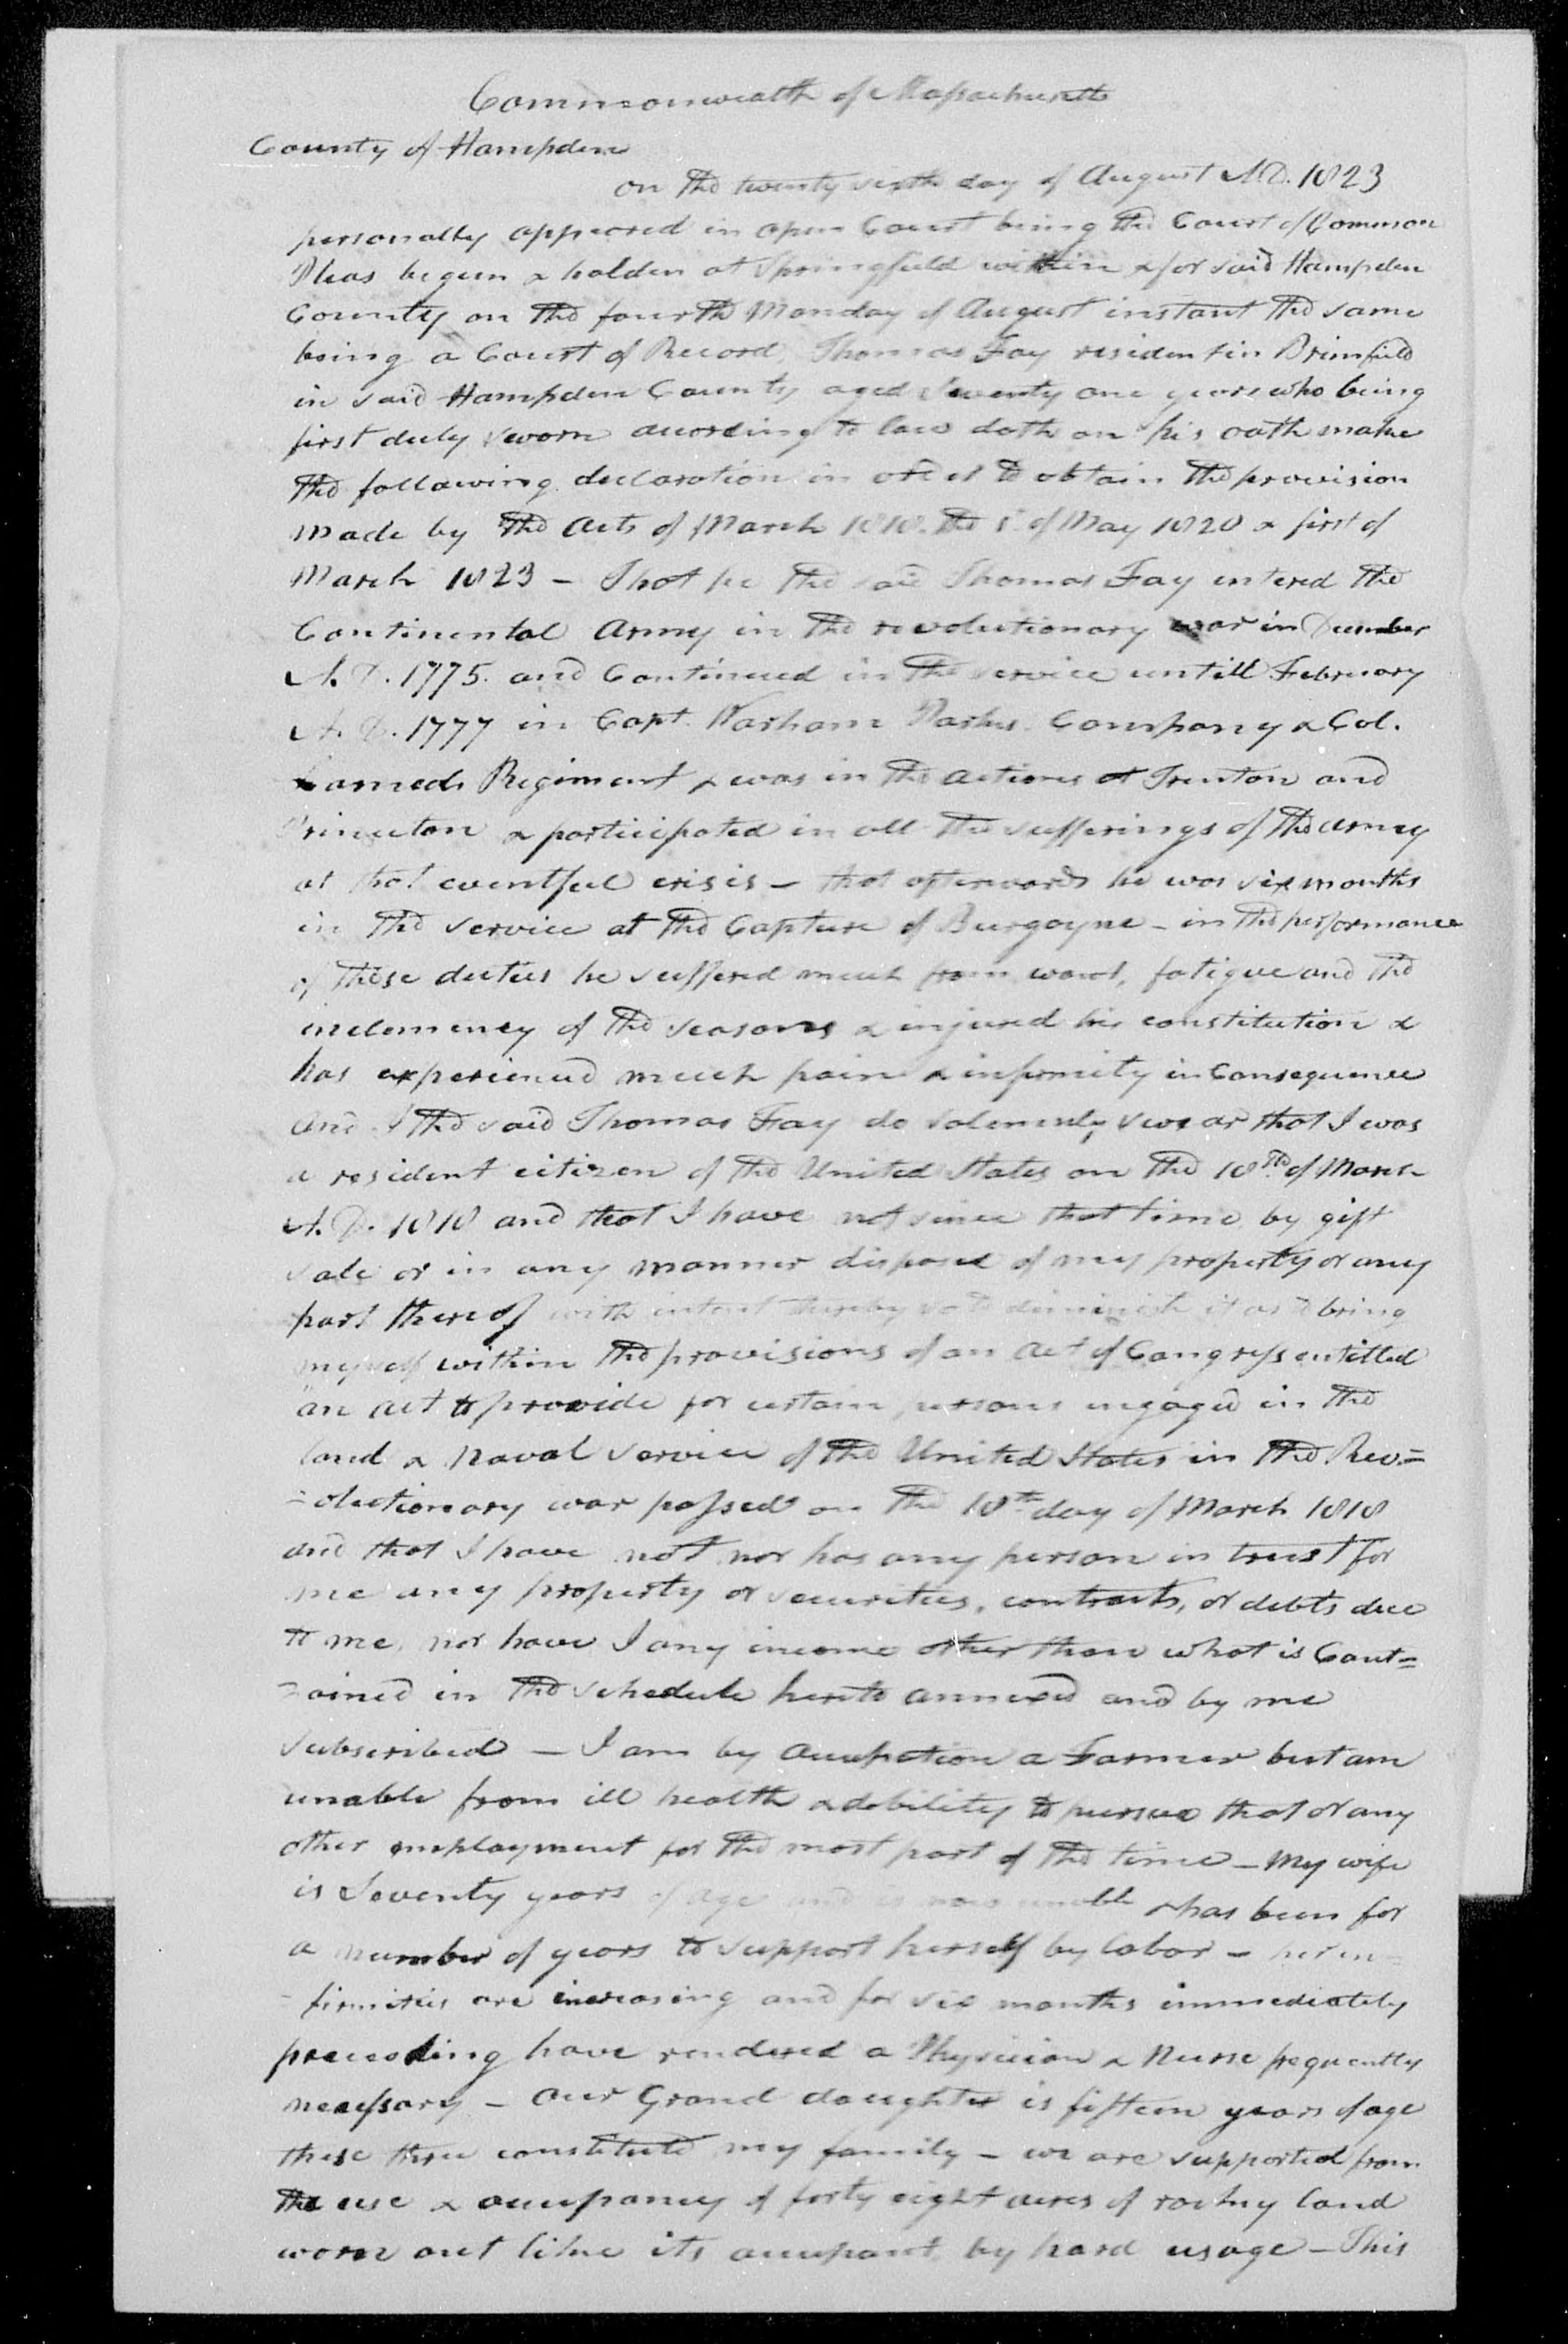Commonwealth of Massachusetts
County of Hampden

on the twenty sixth day of August A.D. 1823
personally appeared in open Court being the Court of Common Pleas begin a holden at Springfield within & for said Hampden County on the fourth Monday of August instant the same being a Court of Record, Thomas Fay resident in Brimfield in said Hampden County aged Seventy one years who being first duly sworn according to law doth on his oath make
the following declaration in order to obtain the provision made by the Acts of March 1811 of May 1820 & first of March 1823 - That he the said Thomas Fay entered the Continental Army in the revolutionary war in December A.D. 1775. and continued in the service untill February A.D. 1777 in Capt Warham Parkes Company & Col (?) Regiment & was in the actions at Trenton and Princeton & participated in all the sufferings of the army at that eventful crisis-- that afterwards he was six months
in the service at the Capture of Burgoyne - in the performance of these duties he suffered much from want, fatigue and the inclemency of the seasons & injured his constitution &
has experienced much pain Infirmity in consequence and the said Thomas Fay do solemnly swear that I was resident citizen of the United States on the 18th of March
A.D. 1818 and that I have not since that time by gift, sale or in any manner disposed of my property or any part thereof with intent thereby sold demit it as being myself within the provisions of an act of Congress entitled
an act to provide for certain persons engaged in the land a Naval service of the United States in the Revolutionary war passed on the 18th day of March 1818 and that I have not nor has any person in trust for me any property or securities, contracts, or debts due to me, nor have I any income other than what is contained in the schedule hereto annexed and by me
subscribed - I am by occupation a Farmer but am unable from ill health and disability to pursue that of any other employment for the most part of the time - my wife is Seventy years of age and was unable or has been for
a number of years to support herself by labor - her infirmities are increasing and for six months immediately preceding have rendered a Physician & nurse frequently necessary-- Our Grand daughter is fifteen years of age
these three constitute my family-- we are supported from the use & company of forty eight acres of rocky land worn out like its occupant by hand usage. This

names: Thomas Fay, Thomas Fay, Thomas Fay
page: 21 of 31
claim: survivor's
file: S. 34,839, Thomas Fay, Mass.